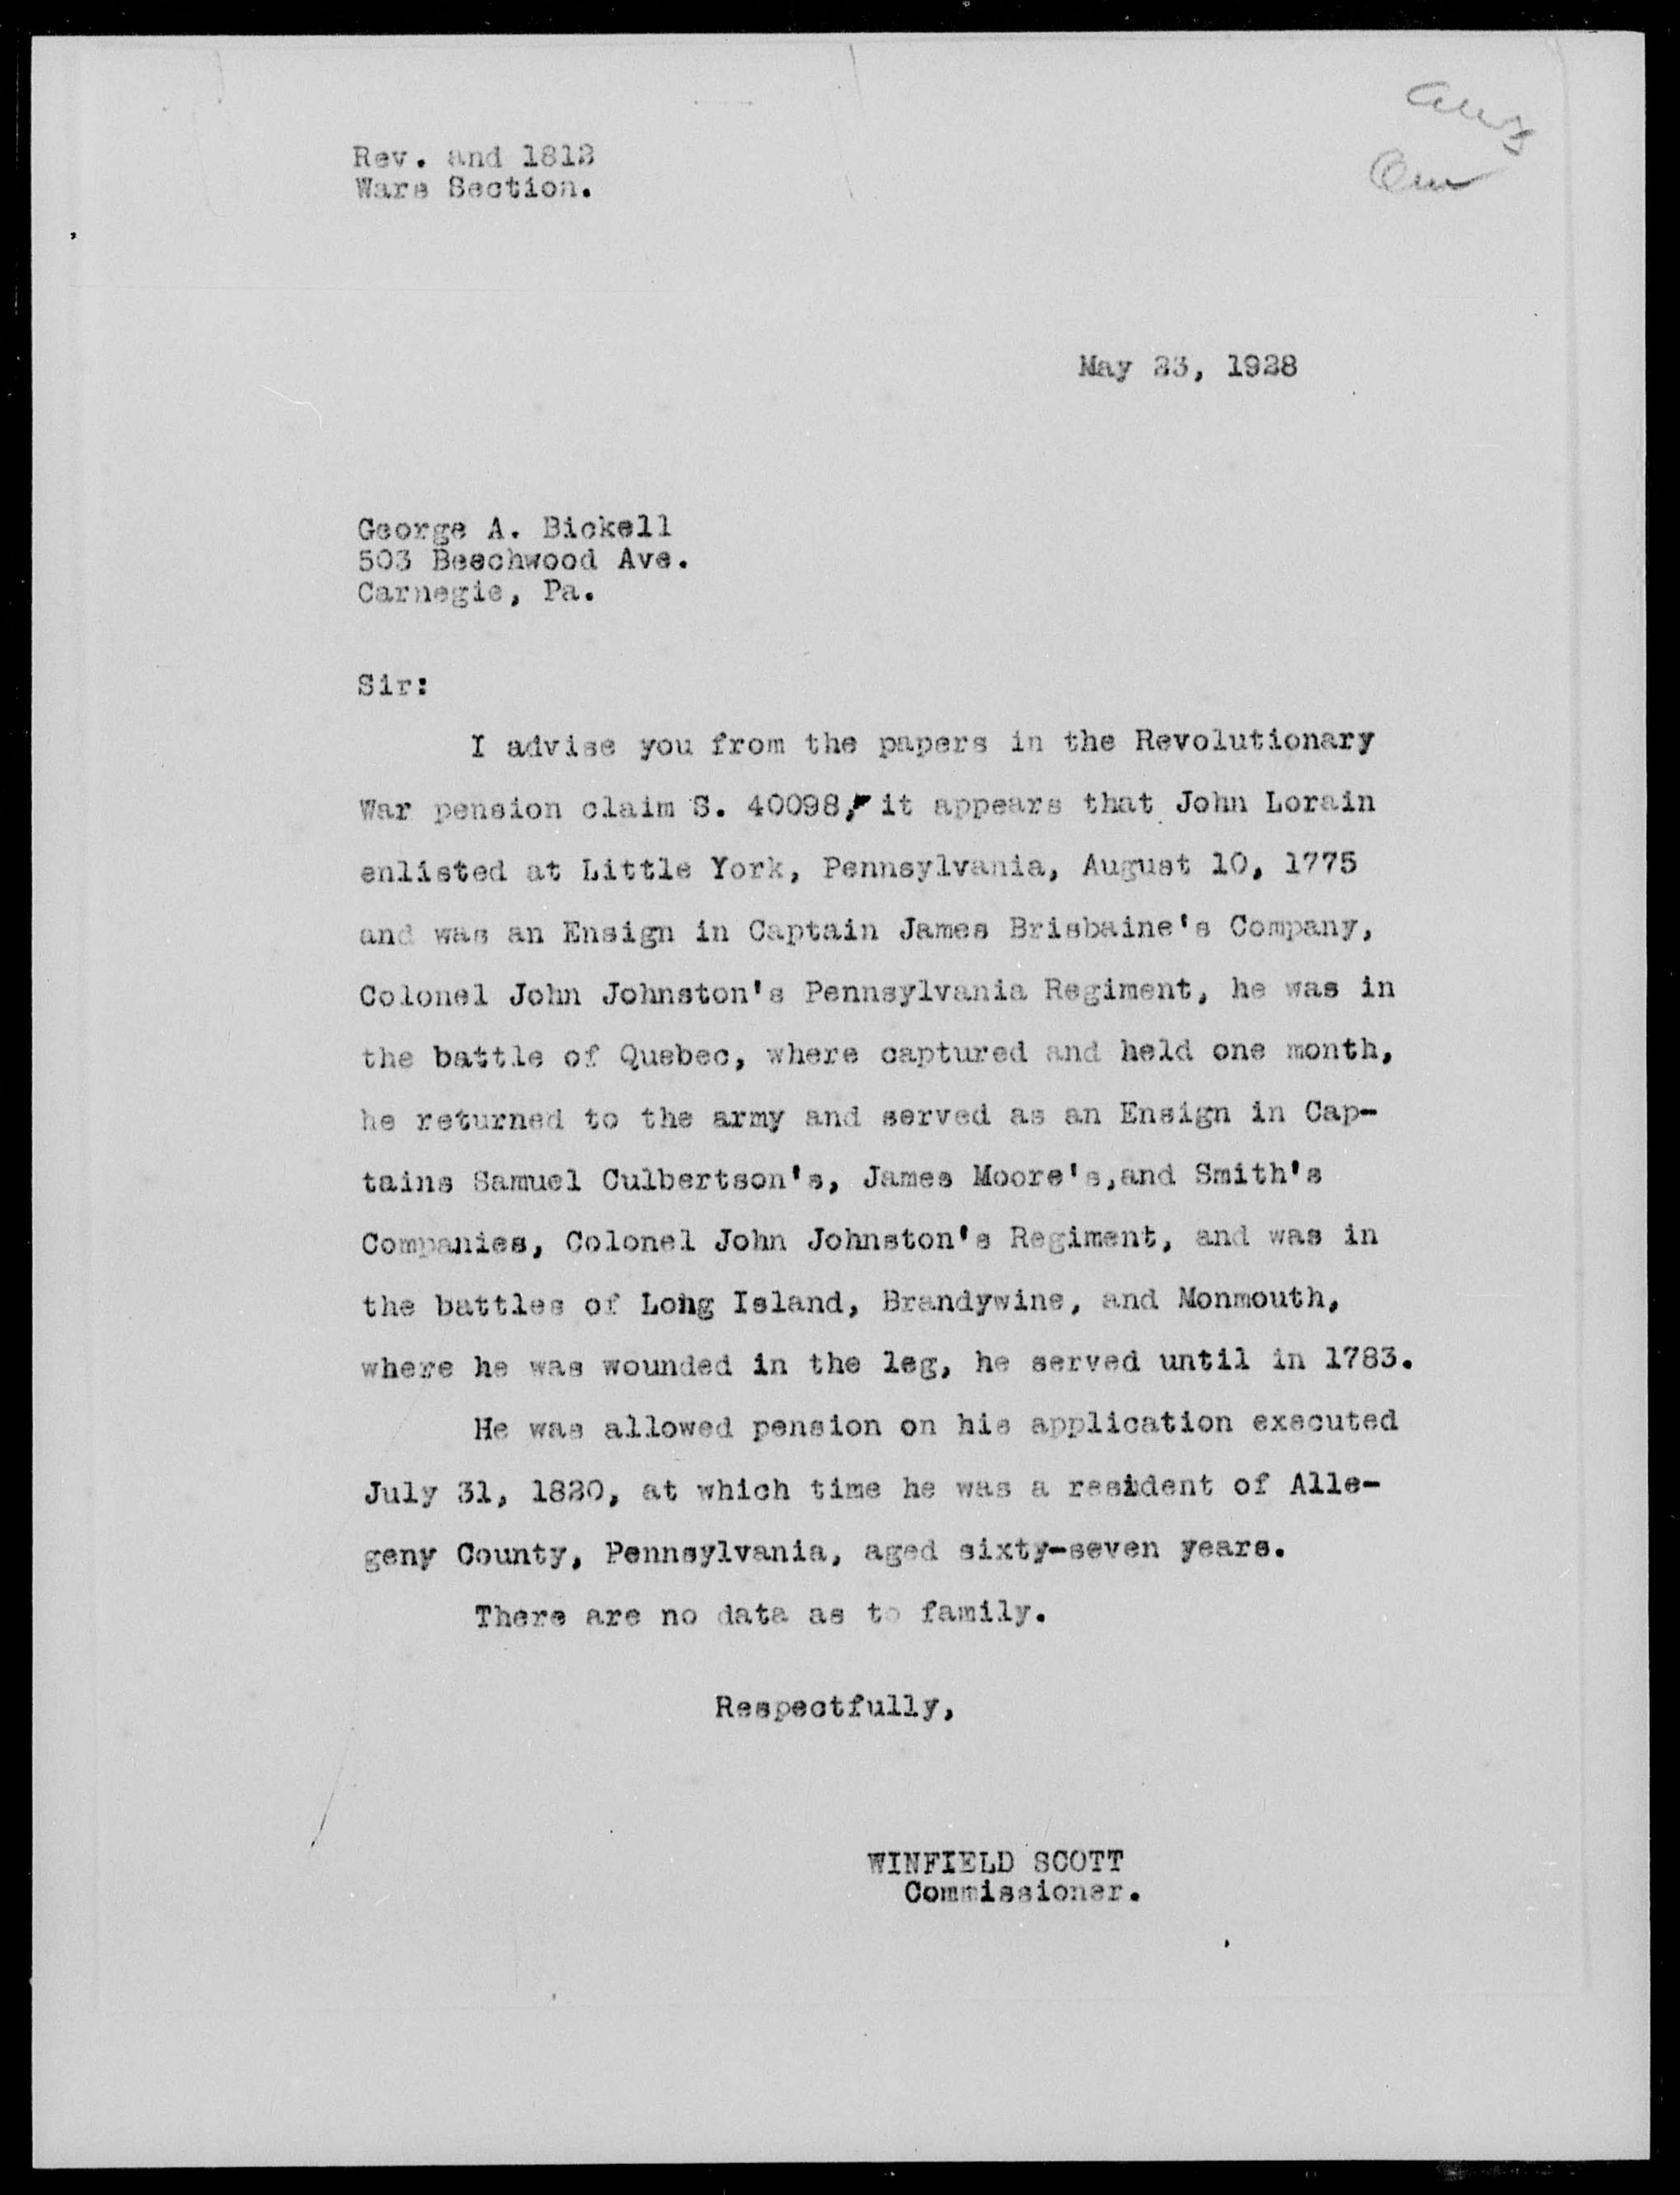George A. Bickell
503 Beechwood Ave.
Carnegie, Pa.

Sir:

I advise you from the papers in the Revolutionary War pension claim S. 40098 it appears that John Lorain enlisted at Little York, Pennsylvania, August 10, 1775 and was an Ensign in Captain James Brisbaine's Company, Colonel John Johnston's Pennsylvania Regiment, he was in the battle of Quebec, where captured and held one month, he returned to the army and served as an Ensign in Captains Samuel Culbertson's, James Moore's. and Smith's Companies, Colonel John Johnston's Regiment, and was in the battles of Long Island, Brandywine, and Monmouth, where he was wounded in the leg, he served until in 1783. 
He was allowed pension on his application executed July 31, 1830, at which time he was a resident of Allegeny County, Pennsylvania aged sixty-seven years.  There are no data as to family.

Respectfully,

WINFIELD SCOTT
Commissioner.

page: 5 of 21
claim: survivor's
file: S. 40,098, for John Lorain, Pennsylvania